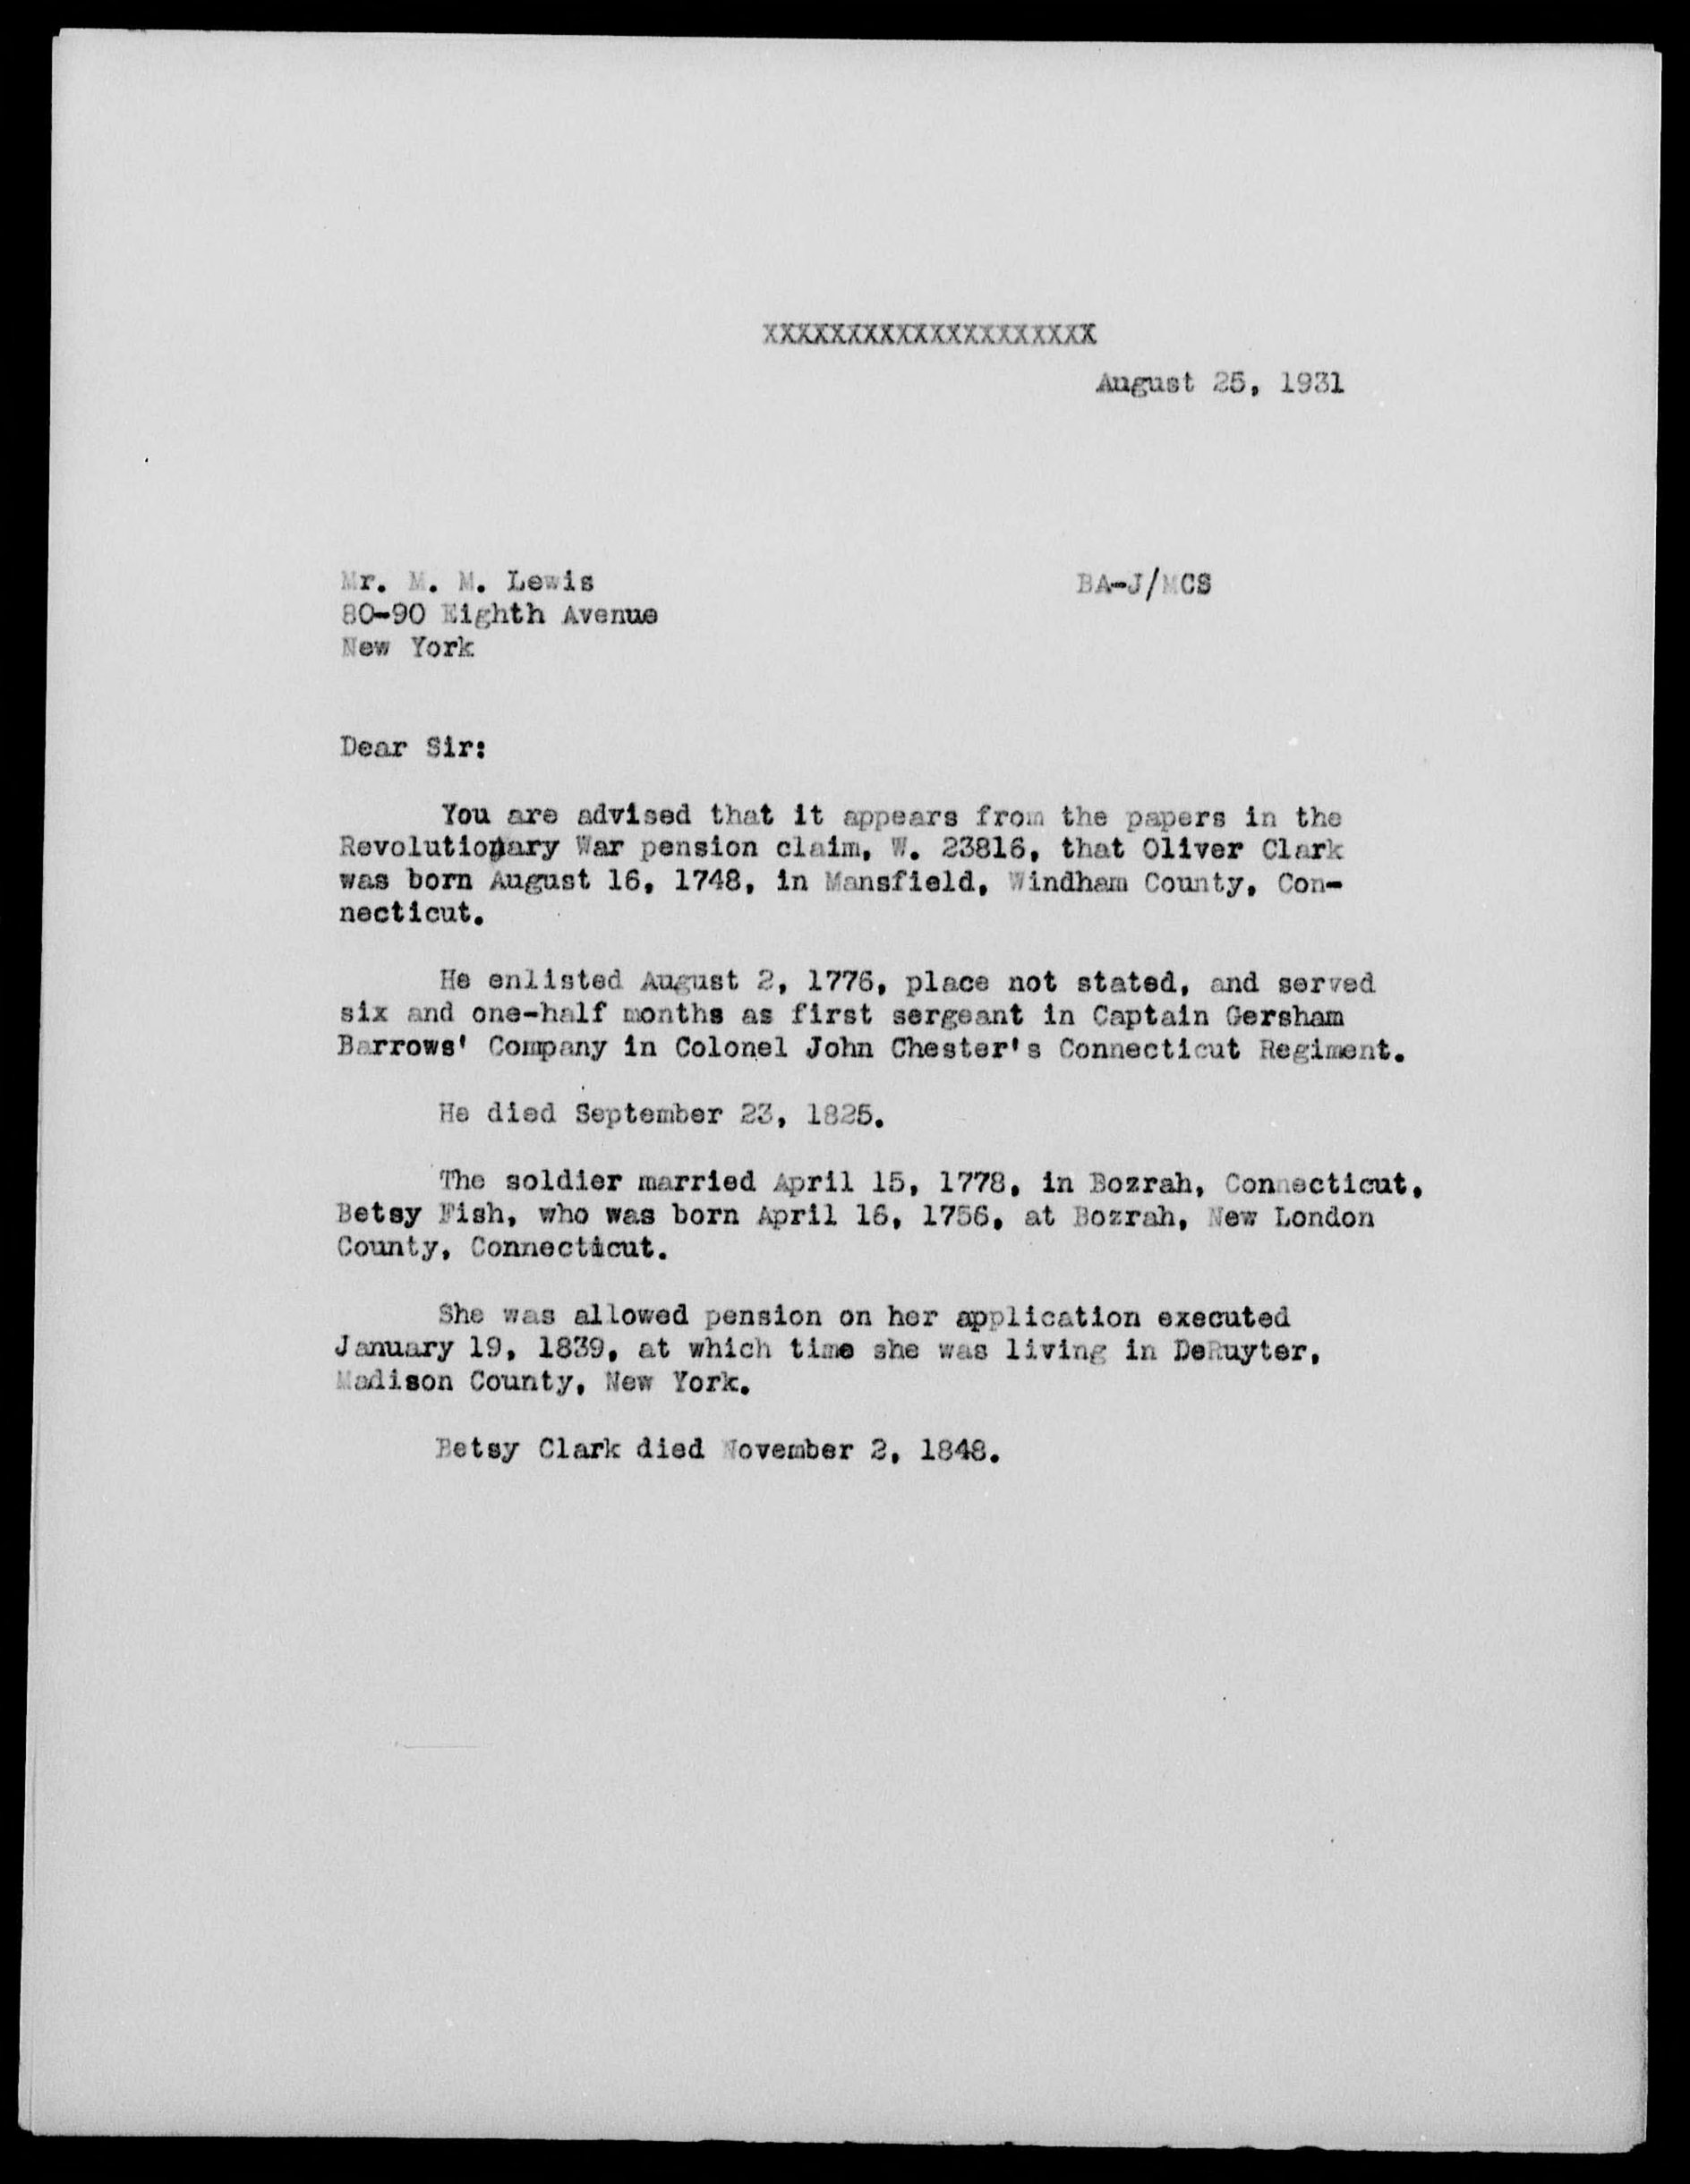[typed]
XXXXXXXXXXXXX
August 25, 1931

Mr. M. M. Lewis
80-90 Eighth Avenue
New York
BA-J/MCS

Dear Sir:
You are advised that it appears from the papers in the Revolutionary War pension claim, W.  23816, that Oliver Clark was born August 16, 1748, in Mansfield, Windham County, Connecticut.
He enlisted August 2, 1776, place not stated, and served six and one-half months as first sergeant in Captain Gersham Barrows’ Company in Colonel John Chester’s Connecticut Regiment.
He died September 23, 1825.
The soldier married April 15, 1778, in Bozrah, Connecticut, Betsy Fish, who was born April 16, 1756, at Bozrah, New London County, Connecticut.

She was allowed pension on her application executed January 19, 1839, at which time she was living in DeRuyter, Madison County, New York.

Betsy Clark died November 2, 1848.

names: M M Lewis, Oliver Clark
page: 11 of 51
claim: widow's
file: W. 23816, Oliver Clark, Conn.